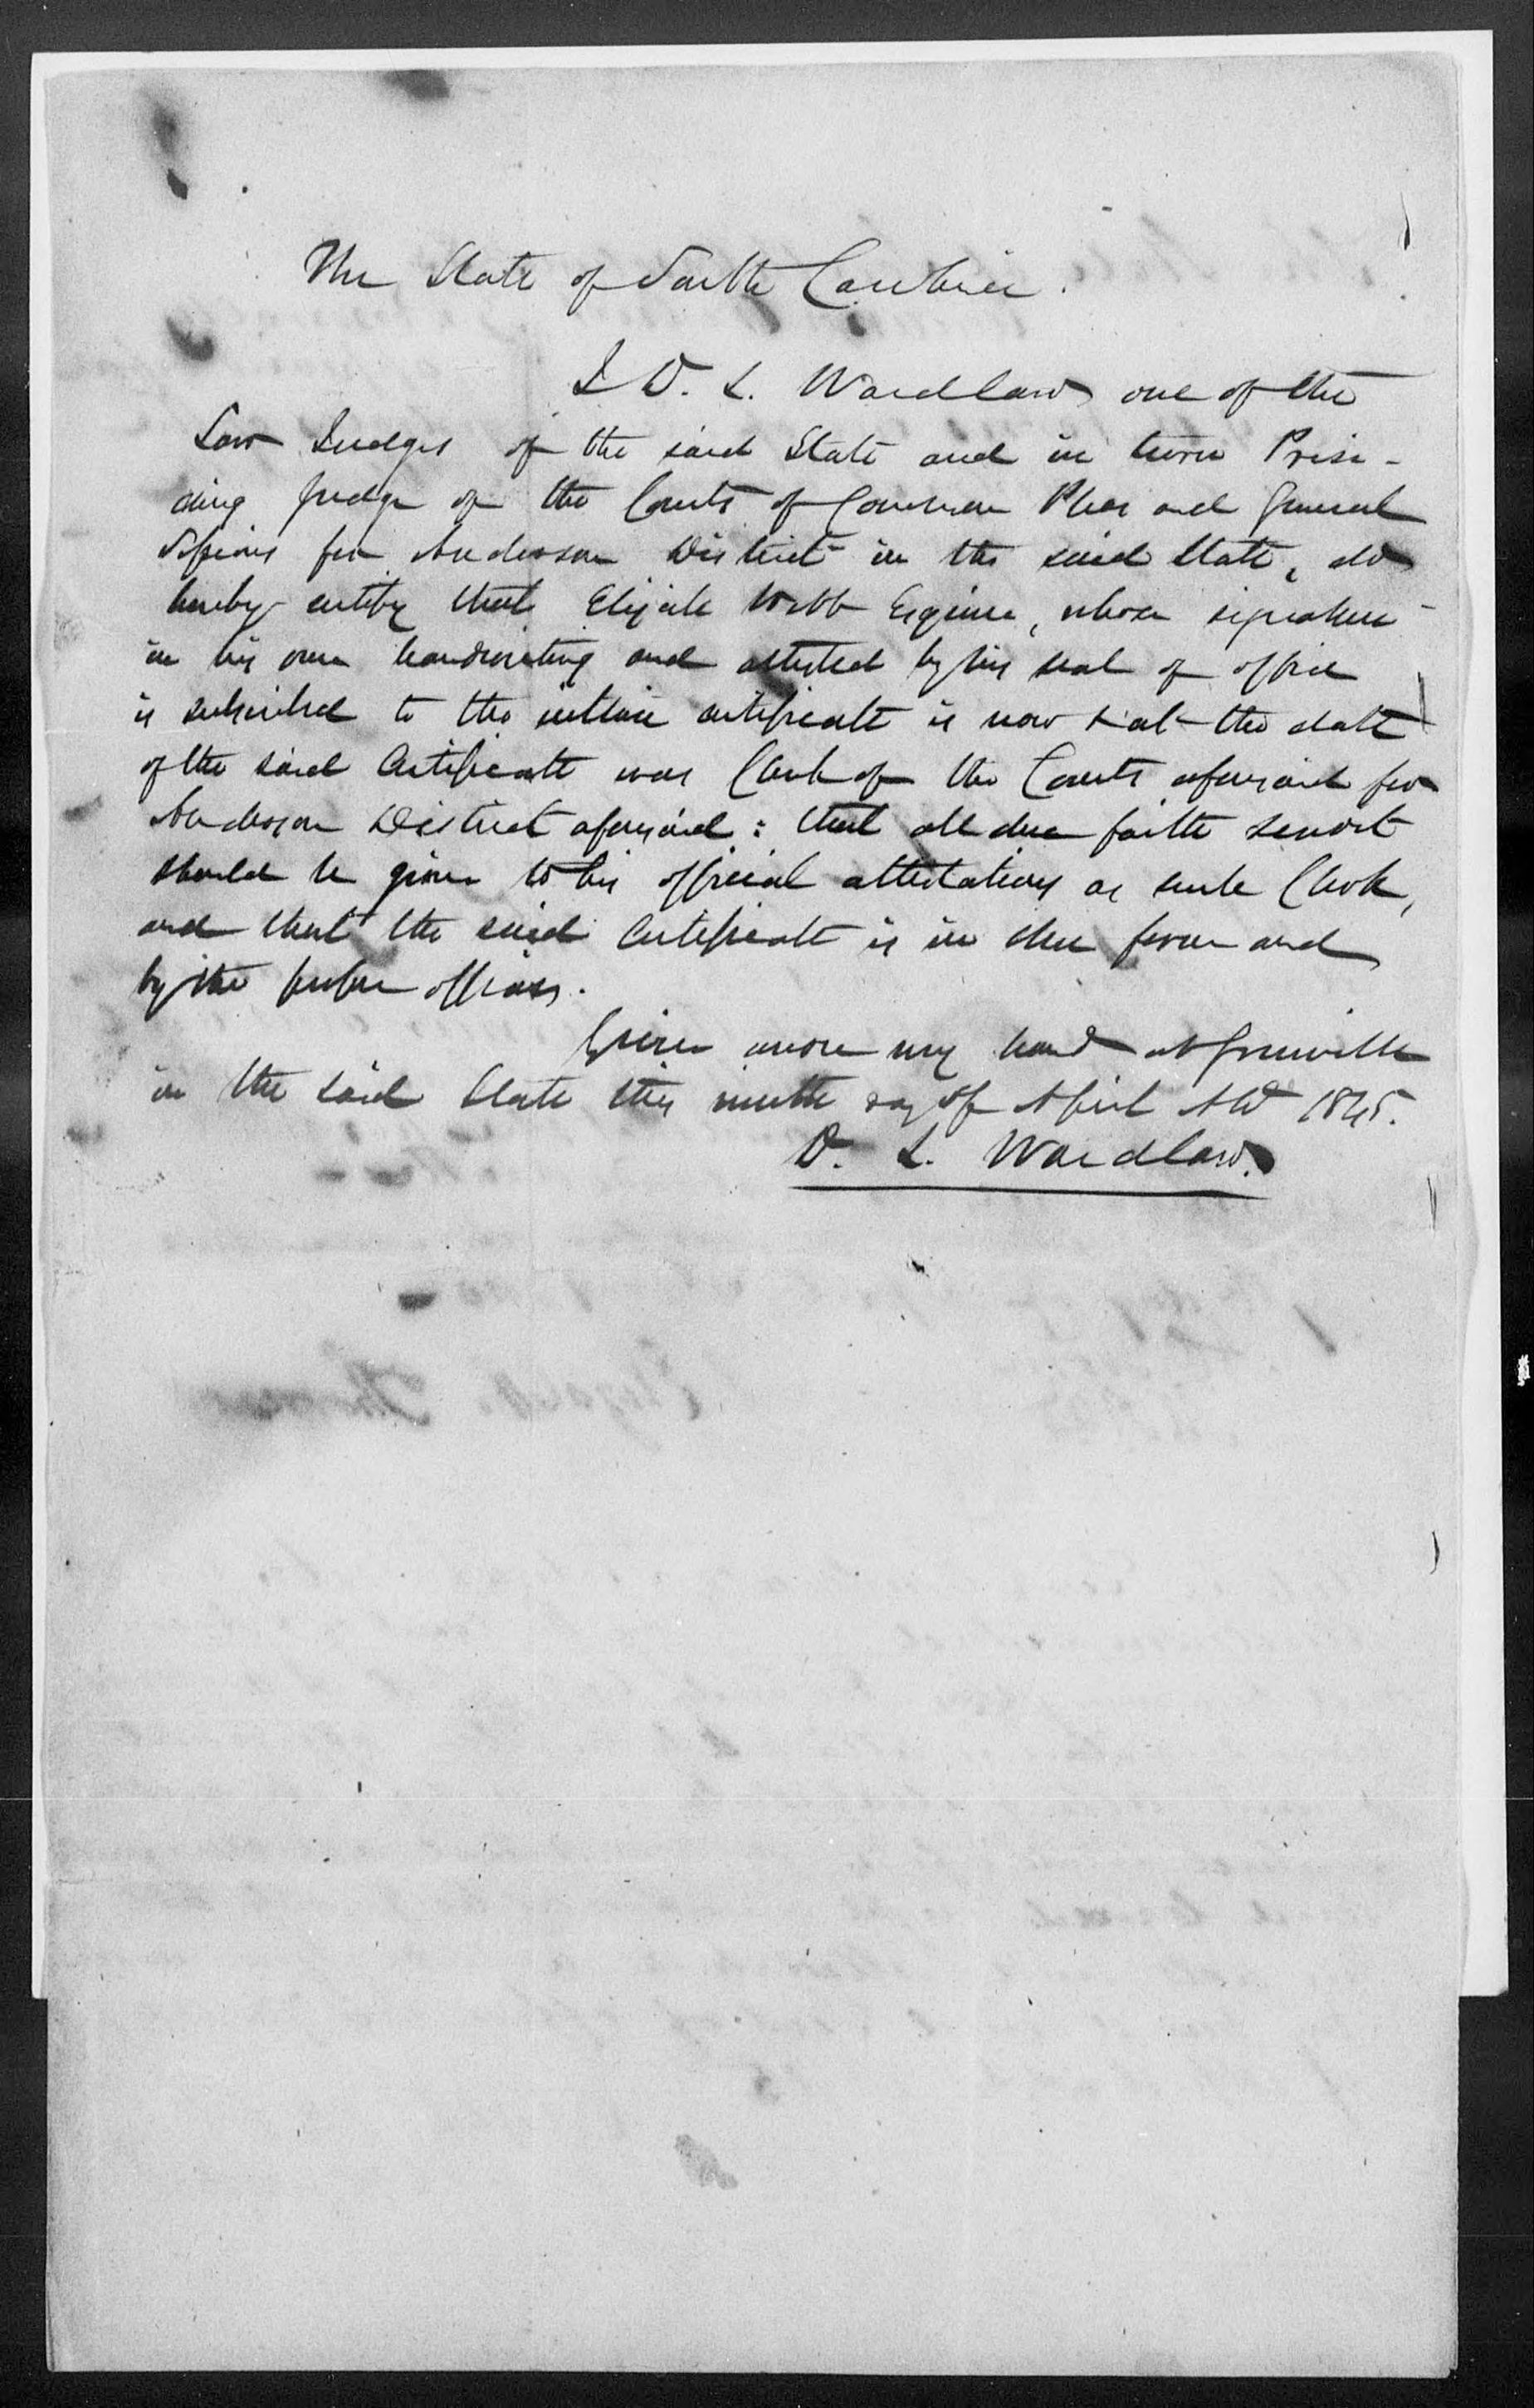The State of South Carolina
I D. C. Wardlaw one of the Law Judges of the said State and in turn presiding Judge of the Court of Common Pleas and General
Sessions for Anderson District in the said State, do hereby certify that Elijah Webb Esquire, whose signature
in his own handwriting and attached by his seal of office is subscribed to the within certificate is now & at the date of the said Certificate was Clerk of the County aforesaid for
Anderson District aforesaid: that all due faith & credit should be given to his official attestation as such Clerk,
and that the said certificate is in due form and by the proper offices.
Given under  my hand at Abbeville in
the said State the ninth day of April A D 1845.
D. L. Wardlaw
___________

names: Elijah Webb, D L Wardlaw, D L Wardlaw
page: 46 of 91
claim: widow's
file: W. 10576, Francis Carlisle, S.C.